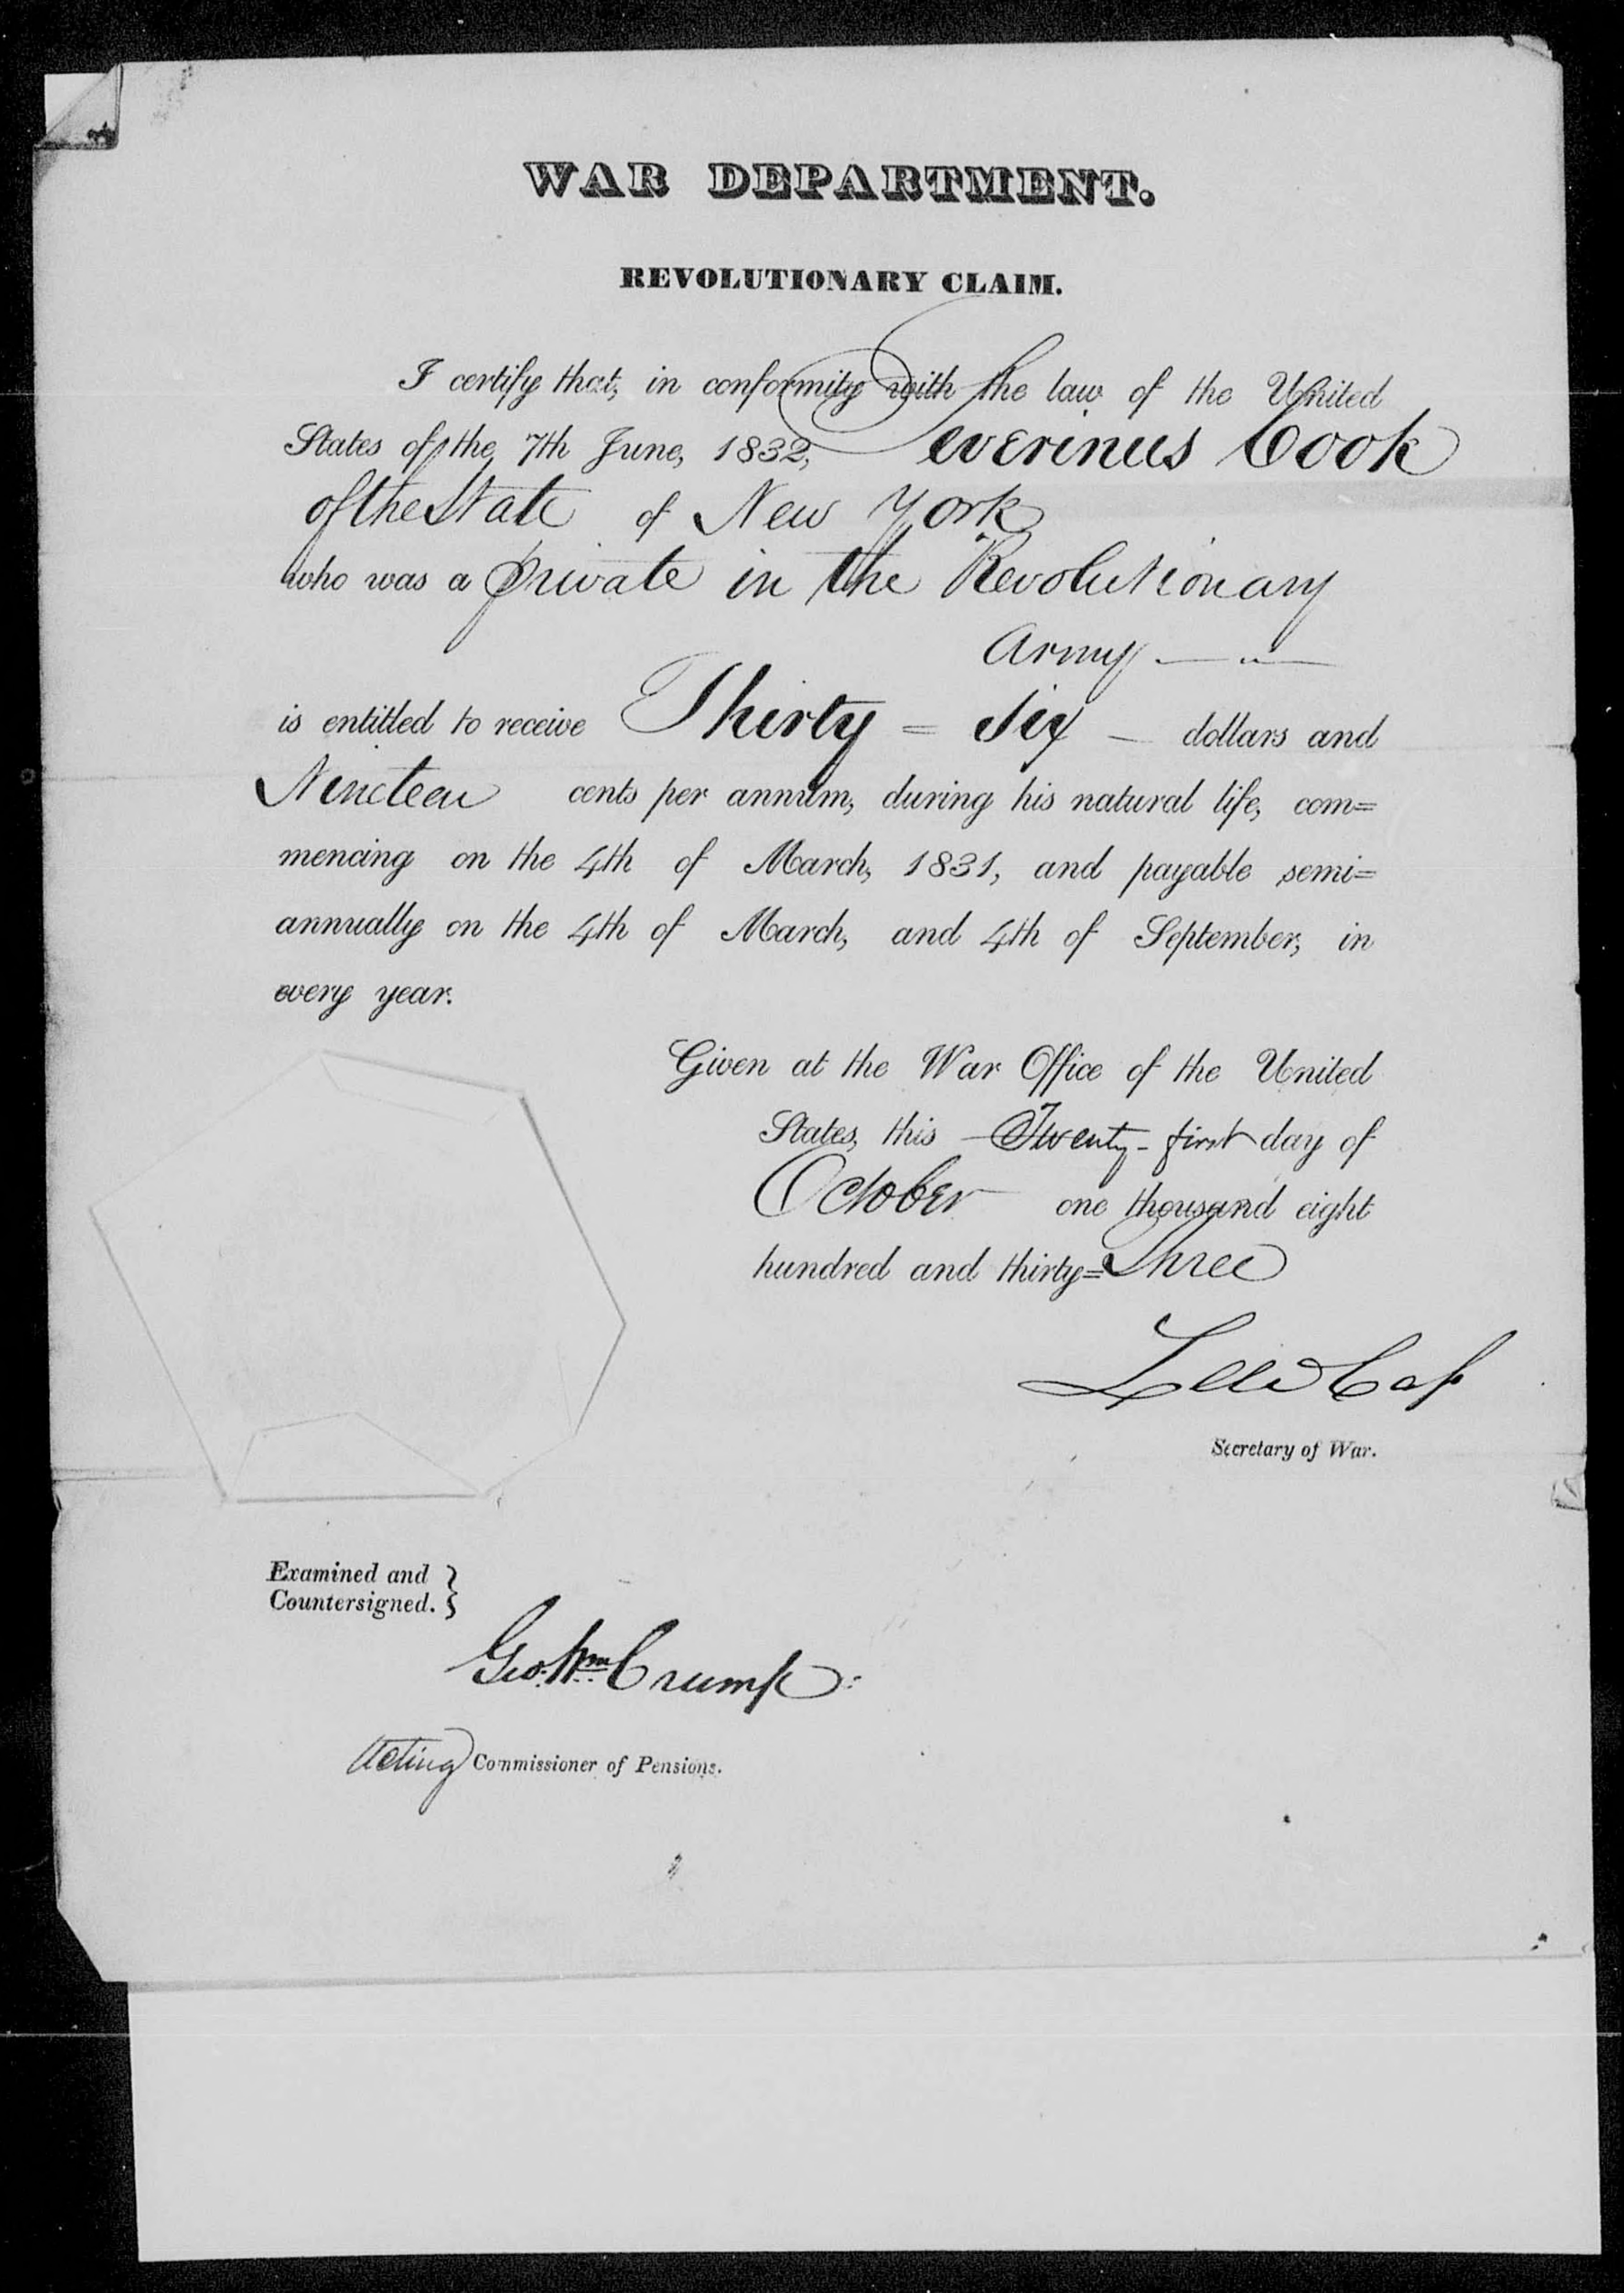WAR DEPARTMENT
REVOLUTIONARY CLAIM.

I certify that, in conformity with the law of the United States of the 7th June, 1832, Severinus Cook of the State of New York who was a private in the Revolutionary Army is entitled to receive Thirty - Six - dollars and Nineteen cents per annum, during his natural life, commencing on the 4th of March, 1831, and payable semiannually on the 4th of March, and 4th of September, in every year.

Given at the War Office of the United States, this Twenty-first day of October one thousand eight
hundred and thirty Three
Lew Cass
Secretary of War

Examined and Countersigned.}
Geo. Wm Crump
Acting Commissioner of Pensions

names: Severinus Cook, Geo Wm Crump, Lew Cass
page: 42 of 51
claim: survivor's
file: S. 12563, Severinus Cook, New York